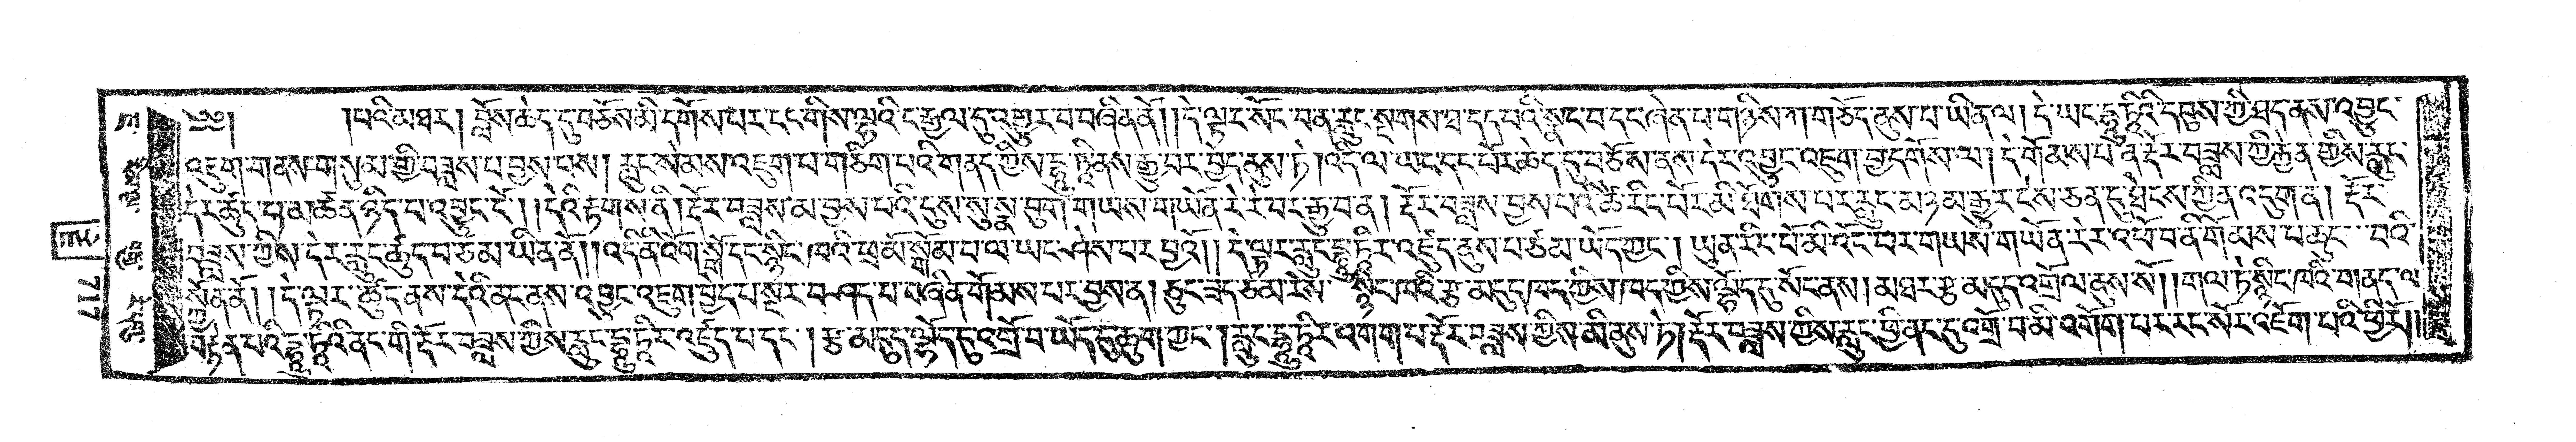༄༅། །པའི་མཐར། བློས་ཆེད་དུ་བཅོས་མི་དགོས་པར་རང་གིས་ལྷའི་ང་རྒྱལ་དུ་འགྱུར་བ་བཞིན་ནོ། །དེ་ལྟར་སོང་བ་ན་རླུང་སྔགས་ཐ་དད་པའི་སྣང་བ་དང་ཞན་པ་གཉིས་ཀ་གཅོད་ནུས་པ་ཡིན་ལ། དེ་ཡང་དྷཱུ་ཏཱིའི་དབུས་ཀྱི་ཐད་ནས་འབྱུང་
འཇུག་གནས་གསུམ་གྱི་བཟླས་པ་བྱས་པས། རླུང་སེམས་འཇུག་པ་གཅིག་པའི་གནད་ཀྱིས་དྷཱུ་ཏཱི་ནས་རྒྱུ་བར་བྱེད་ནུས་ཏེ། འདི་ལ་ཡང་དང་པོར་ཆེད་དུ་བཅོས་ནས་དེར་འབྱུང་འཇུག་བྱ་དགོས་ལ། དེ་གོམས་པ་ན་རྡོར་བཟླས་ཀྱི་རྐྱེན་གྱིས་རླུང་
དེར་ཚུད་པ་མཚན་ཉིད་པ་འབྱུང་ངོ། །དེའི་རྟགས་ནི། རྡོར་བཟླས་མ་བྱས་པའི་དུས་སུ་སྣ་བུག་གཡས་གཡོན་རེ་རེ་བར་རྒྱུ་བ་ན། རྡོར་བཟླས་བྱས་པའི་ཚེ་རིང་པོར་མི་ཐོགས་པར་རླུང་མཉམ་རྒྱུར་ངེས་ཅན་དུ་ཐེངས་ཀྱིན་འདུག་ན། རྡོར་
བཟླས་ཀྱིས་དེར་རླུང་ཚུད་པ་ཙམ་ཡིན་ནོ། །འདི་ནི་འོག་སྒོ་དང་སྙིང་ཁའི་ཕྲ་མོ་སྒོམ་པ་ལ་ཡང་ཤེས་པར་བྱའོ། །དེ་ལྟར་རླུང་དྷཱུ་ཏཱིར་འཛུད་ནུས་པ་ཙམ་ཡོད་ཀྱང་། ཡུན་རིང་པོ་མི་འོང་བར་གཡས་གཡོན་རེར་འཕོ་བ་ནི་གོམས་པ་ཆུང་བའི་
སྐྱོན་ནོ། །དེ་ལྟར་ཚུད་ནས་དེའི་ནང་ནས་འབྱུང་འཇུག་བྱེད་པ་སྔར་བཤད་པ་བཞིན་གོམས་པར་བྱས་ན། ཅུང་ཟད་ཙམ་རེས་སྙིང་ཁའི་རྩ་མདུད་ཁད་ཀྱིས་ཁད་ཀྱིས་ལྷོད་དུ་སོང་ནས། མཐར་རྩ་མདུད་འགྲོལ་ནུས་སོ། །གལ་ཏེ་སྙིང་ཁའི་གནད་ལ་
བརྟེན་པའི་དྷཱུ་ཏཱིའི་ནང་གི་རྡོར་བཟླས་ཀྱིས་རླུང་དྷཱུ་ཏཱིར་འཛུད་པ་དང་། རྩ་མདུད་ལྷོད་དུ་འགྲོ་བ་ཡོད་དུ་ཆུག་ཀྱང་། རླུང་དྷཱུ་ཏཱིར་འགག་པ་རྡོར་བཟླས་ཀྱིས་མི་ནུས་ཏེ། རྡོར་བཟླས་ཀྱིས་རླུང་ཕྱི་ནང་དུ་འགྲོ་བ་མི་འགོག་པར་རང་སོར་འཇོག་པའི་ཕྱིར་རོ། །